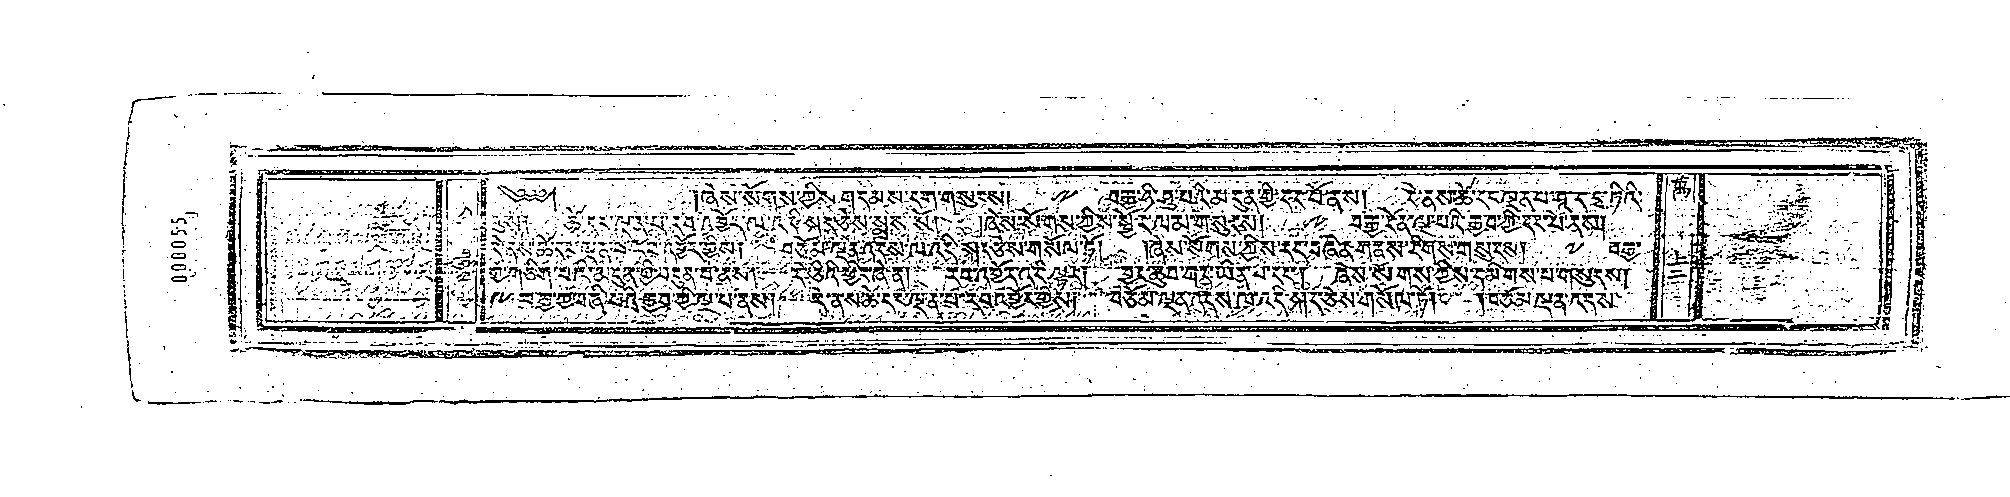༄༅༅། །ཞེས་སོགས་ཀྱིས་གདམས་ངག་གསུངས། ༧་བརྒྱ་ཉི་ཤུ་པའི་མདུན་གྱི་དང་པོ་ནས། དེ་ནས་ཚེ་དང་ལྡན་པ་ཤཱ་ར་དྭ་ཏིའི་
བུས། ཚེ་དང་ལྡན་པ་རབ་འབྱོར་ལ་འདི་སྐད་ཅེས་སྨྲས་སོ། །ཞེས་སོགས་ཀྱིས་སྦྱོར་ལམ་གསུངས། ༧་བརྒྱ་དོན་ལྔ་པའི་རྒྱབ་ཀྱི་དང་པོ་ནས།
དེ་ནས་ཚེ་དང་ལྡན་པ་རབ་འབྱོར་གྱིས། བཅོམ་ལྡན་འདས་ལ་འདི་སྐད་ཅེས་གསོལ་ཏོ། །ཞེས་སོགས་ཀྱིས་རང་བཞིན་གནས་རིགས་གསུངས། ༧་བརྒྱ་
གྱ་གཅིག་པའི་མདུན་གྱི་བདུན་པ་ནས། དེ་ཅིའི་ཕྱིར་ཞེ་ན། རབ་འབྱོར་འདི་ལྟར། བྱང་ཆུབ་གང་ཡིན་པ་དང་། ཞེས་སོགས་ཀྱིས་དམིགས་པ་གསུངས།
༧་བརྒྱ་གྱ་བཞི་པའི་རྒྱབ་ཀྱི་ལྔ་པ་ནས། དེ་ནས་ཚེ་དང་ལྡན་པ་རབ་འབྱོར་གྱིས། བཅོམ་ལྡན་འདས་ལ་འདི་སྐད་ཅེས་གསོལ་ཏོ། །བཅོམ་ལྡན་འདས་